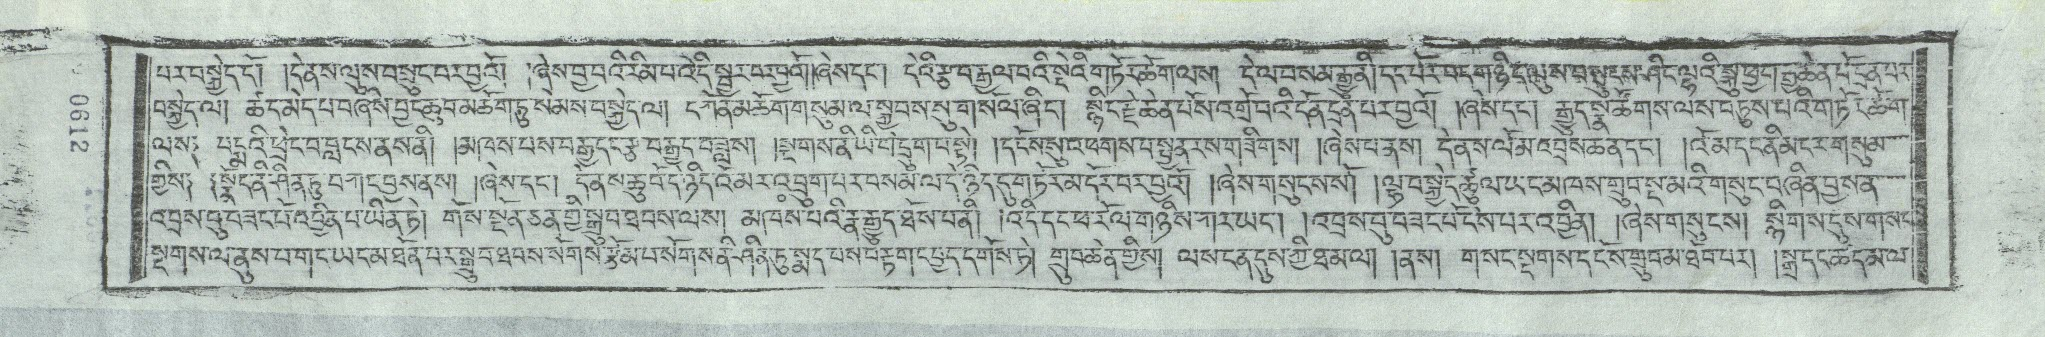པར་བསྐྱེད་དོ། །དེ་ནས་ལུས་བསྲུང་བར་བྱའོ། །ཞེས་བྱ་བའི་རིམ་པ་འདི་སྦྱར་བར་བྱའོ། །ཞེས་དང་། དེའི་རྩ་བརྒྱལ་བའི་སྡེའི་གཏོར་ཆོག་ལས། དེ་ལ་བསམ་རྒྱུ་ནི། དང་པོར་བདག་ཉིད་ལུས་བསྲུངས་ཤིང་ལྷའི་སྐུ་ཕྱག་རྒྱ་ཆེན་པོ་དྲན་པར་
བསྐྱེད་ལ། ཚད་མེད་པ་བཞིས་བྱང་ཆུབ་མཆོག་ཏུ་སེམས་བསྐྱེད་ལ། དཀོན་མཆོག་གསུམ་ལ་སྐྱབས་སུ་གསོལ་ཞིང་། སྙིང་རྗེ་ཆེན་པོས་འགྲོ་བའི་དོན་དྲན་པར་བྱའོ། །ཞེས་དང་། རྒྱུད་སྣ་ཚོགས་ལས་བཏུས་པའི་གཏོར་ཆོག་
ལས༑ པདམའི་ཕྲེང་བ་བླངས་ནས་ནི། །མཁས་པས་བརྒྱ་དང་རྩ་བརྒྱད་བཟླས། །སྔགས་ནི་ཡིག་དྲུག་པ་སྟེ། །དངོས་སུ་འཕགས་པ་སྤྱན་རས་གཟིགས། །ཞེས་པ་ནས། དེ་ནས་ལོ་མ་འབྲས་ཆན་དང་། །འོ་མ་དང་ནི་མངར་གསུམ་
གྱིས༑ ༑སྣོད་ནི་ཤིན་ཏུ་བཀད་བྱས་ནས། །ཞེས་དང་། དེ་ནས་ཆུ་བོ་དེ་ཉིད་འོ་མར་འབྲུག་པར་བསམ་ལ་དེ་ཉིད་དུ་གཏོར་མདོར་བར་བྱའོ། །ཞེས་གསུངས་སོ། །ལྷ་བསྐྱེད་ཚུལ་ཡང་མཁས་གྲུབ་སྔ་མའི་གསུང་བཞིན་བྱས་ན་
འབྲས་བུ་བཟང་པོ་འབྱིན་པ་ཡིན་ཏེ། གོས་སྔོན་ཅན་གྱི་སྒྲུབ་ཐབས་ལས། མཁས་པའི་རྣ་རྒྱུད་ཐོས་པ་ནི། །འདི་དང་ཕ་རོལ་གཉིས་ཀར་ཡང་། །འབྲས་བུ་བཟང་པོ་ངེས་པར་འབྱིན། །ཞེས་གསུངས། སྙིགས་དུས་གསང་
སྔགས་ལ་ནུས་པ་གང་ཡང་མཐོན་པར་སྒྲུབ་ཐབས་སོགས་རྩོམ་པ་སོགས་ནི་ཤིན་ཏུ་སྨད་པས་བརྟག་དབྱད་དགོས་ཏེ། གྲུབ་ཆེན་གྱིས། ལས་ངན་དུས་ཀྱི་ཐམ་ལ། །ནས། གསང་སྔགས་དངོས་གྲུབ་མ་ཐོབ་པར། །སྒྲ་དང་ཚད་མ་ལ་